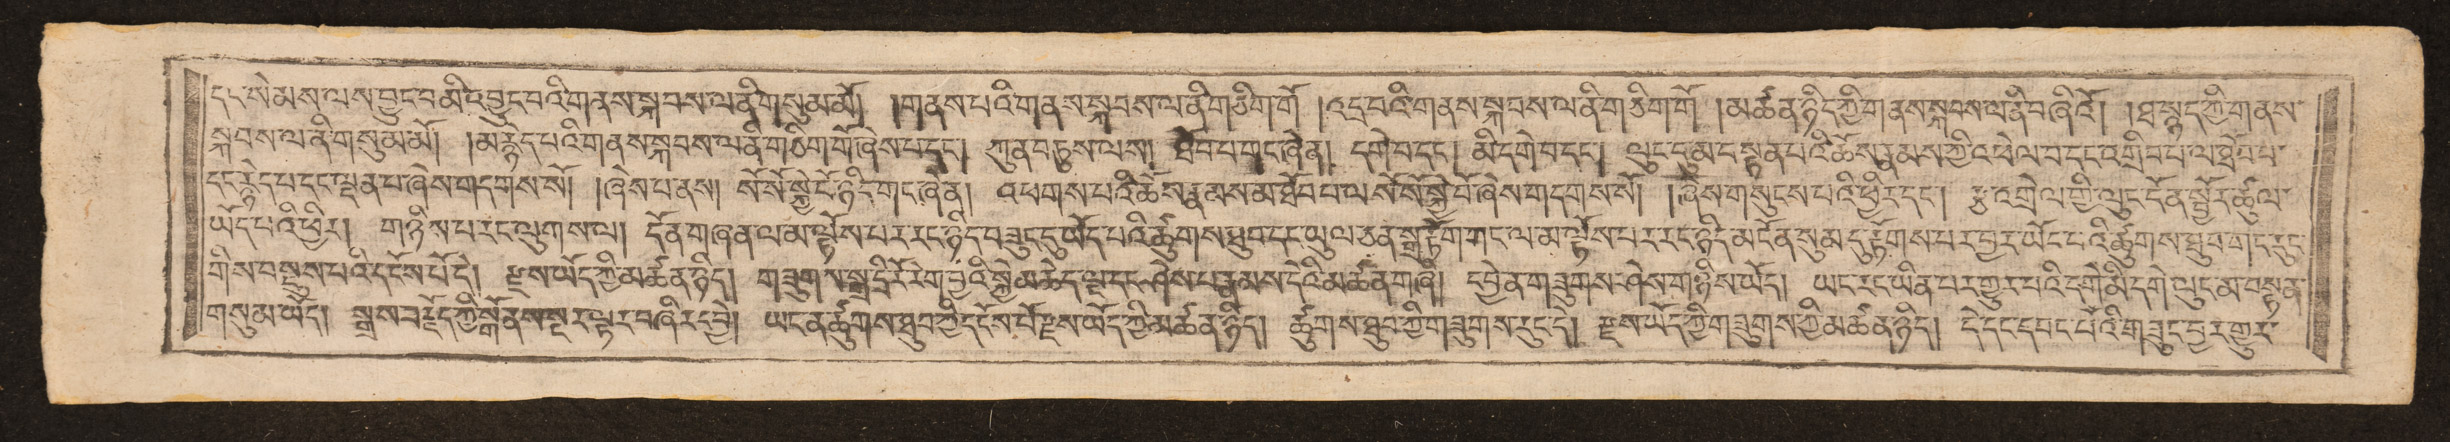དང་སེམས་ལས་བྱུང་བ་མི་འབྱུང་བའི་གནས་སྐབས་ལ་ནི་གསུམ་མོ། །གནས་པའི་གནས་སྐབས་ལ་ནི་གཅིག་གོ །འདྲ་བའི་གནས་སྐབས་ལ་ནི་གཅིག་གོ །མཚན་ཉིད་ཀྱི་གནས་སྐབས་ལ་ནི་བཞིའོ། །ཐ་སྙད་ཀྱི་གནས་
སྐབས་ལ་ནི་གསུམ་མོ། །མ་རྙེད་པའི་གནས་སྐབས་ལ་ནི་གཅིག་གོ་ཞེས་པ་དང་། ཀུན་བཏུས་ལས། ཐོབ་པ་གང་ཞེ་ན། དགེ་བ་དང་། མི་དགེ་བ་དང་། ལུང་དུ་མ་བསྟན་པའི་ཆོས་རྣམས་ཀྱི་འཕེལ་བ་དང་འགྲིབ་པ་ལ་ཐོབ་པ་
དང་རྙེད་པ་དང་ལྡན་པ་ཞེས་གདགས་སོ། །ཞེས་པ་ནས། སོ་སོ་སྐྱེ་བོ་ཉིད་གང་ཞེ་ན། འཕགས་པའི་ཆོས་རྣམས་མ་ཐོབ་པ་ལ་སོ་སོ་སྐྱེ་བོ་ཞེས་གདགས་སོ། །ཞེས་གསུངས་པའི་ཕྱིར་དང་། རྩ་འགྲེལ་གྱི་ལུང་དོན་སྦྱོར་ཚུལ་
ཡོད་པའི་ཕྱིར། གཉིས་པ་རང་ལུགས་ལ། དོན་གཞན་ལ་མ་ལྟོས་པར་རང་ཉིད་བཟུང་དུ་ཡོད་པའི་ཚུགས་ཐུབ་དང་ཡུལ་ཅན་སྒྲ་རྟོག་གང་ལ་མ་ལྟོས་པར་རང་ཉིད་མངོན་སུམ་དུ་རྟོགས་པར་བྱར་ཡོད་པའི་ཚུགས་ཐུབ་གང་རུང་
གིས་བསྡུས་པའི་དངོས་པོ་དེ། རྫས་ཡོད་ཀྱི་མཚན་ཉིད། གཟུགས་སྒྲ་དྲི་རོ་རེག་བྱའི་སྐྱེ་མཆེད་ལྔ་དང་ཤེས་པ་རྣམས་དེའི་མཚན་གཞི། དབྱེ་ན་གཟུགས་ཤེས་གཉིས་ཡོད། ཡང་རང་ཡིན་པར་གྱུར་པའི་དགེ་མི་དགེ་ལུང་མ་བསྟན་
གསུམ་ཡོད། སྒྲས་བརྗོད་ཀྱི་སྒོ་ནས་སྔར་ལྟར་བཞིར་དབྱེ། ཡང་ན་ཚུགས་ཐུབ་ཀྱི་དངོས་པོ་རྫས་ཡོད་ཀྱི་མཚན་ཉིད། ཚུགས་ཐུབ་ཀྱི་གཟུགས་རུང་དེ། རྫས་ཡོད་ཀྱི་གཟུགས་ཀྱི་མཚན་ཉིད། དེ་དང་དབང་པོའི་གཟུང་བྱར་གྱུར་